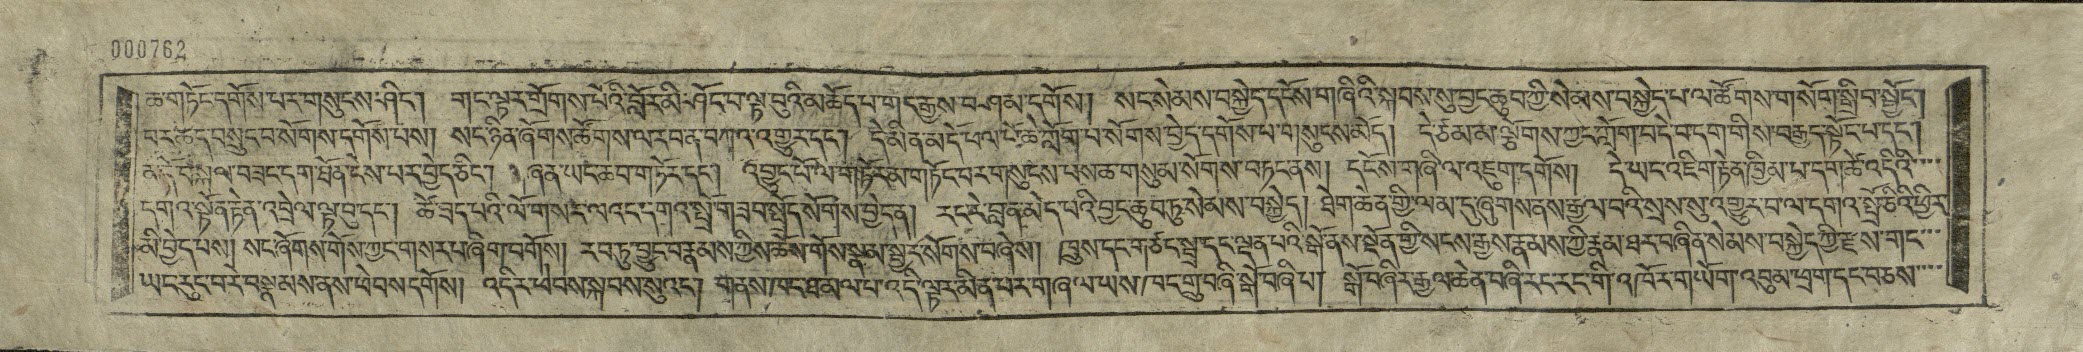ཆ་གཏོང་དགོས་པར་གསུངས་ཤིང་། གང་ལྟར་གྲོགས་པོའི་བློར་མི་ཤོང་བ་ལྟ་བུའི་མཆོད་པ་གང་རྒྱས་བཤམ་དགོས། སང་སེམས་བསྐྱེད་དངོས་བཞིའི་སྐབས་སུ་བྱང་ཆུབ་ཀྱི་སེམས་བསྐྱེད་པ་ལ་ཚོགས་གསོག་སྒྲིབ་སྦྱོང་།
བར་ཆད་བསྲུང་བ་སོགས་དགོས་པས། སང་ཉིན་ཞོགས་ཚོགས་ལ་རབ་ན་བཀའ་འགྱུར་དང་། དེ་མིན་མདོ་ཕལ་པོ་ཆེ་ཀློག་པ་སོགས་བྱེད་དགོས་པ་གསུངས་མོད། དེ་ཙམ་མ་ལྕོགས་ཀྱང་ཀློག་བདེ་བ་དག་གིས་བརྒྱད་སྟོང་པ་དང་།
མདོ་བསྐལ་བཟང་དག་ཐོན་ངེས་པར་བྱེད་ཅིང་། གཞན་ཡང་ཆབ་གཏོར་དང་། འབྱུང་པོ་ལ་གཏོར་མ་གཏོང་བར་གསུངས་པས་ཆ་གསུམ་སོགས་བཏང་ནས། དངོས་གཞི་ལ་འཇུག་དགོས། དེ་ཡང་འཇིག་རྟེན་ཁྱིམ་པ་དག་ཚེ་འདིའི་
དགའ་སྟོན་རྟེན་འབྲེལ་ལྟ་བུ་དང་། ཚེ་ཟད་པའི་ལོ་གསར་ལའང་དགའ་སྤྲོ་གཟབ་སྤྲོད་སོགས་བྱེད་ན། རང་རེ་བླ་ན་མེད་པའི་བྱང་ཆུབ་ཏུ་སེམས་བསྐྱེད། ཐེག་ཆེན་གྱི་ལམ་དུ་ཞུགས་ནས་རྒྱལ་བའི་སྲས་སུ་འགྱུར་བ་ལ་དགའ་སྤྲོ་ཅིའི་ཕྱིར་
མི་བྱེད་པས། སང་ཞོགས་གོས་ཀྱང་གསར་པ་ཞིག་བགོས། རབ་ཏུ་བྱུང་བ་རྣམས་ཀྱིས་ཆོས་གོས་སྣམ་སྦྱར་སོགས་བཞེས། ཁྲུས་དང་གཙང་སྤྲ་དང་ལྡན་པའི་སྒོ་ནས་སྔོན་གྱི་སངས་རྒྱས་རྣམས་ཀྱི་རྣམ་ཐར་བཞིན་སེམས་བསྐྱེད་ཀྱི་རྫས་གང་
ཡང་རུང་བ་རེ་བསྣམས་ནས་ཕེབས་དགོས། འདིར་ཕེབས་སྐབས་སུའང་། གནས་ཁང་ཐ་མལ་པ་འདི་ལྟར་མིན་པར་གཞལ་ཡས་ཁང་གྲུ་བཞི་སྒོ་བཞི་པ། སྒོ་བཞིར་རྒྱལ་ཆེན་བཞི་རང་རང་གི་འཁོར་གཡོག་འབུམ་ཕྲག་དང་བཅས་